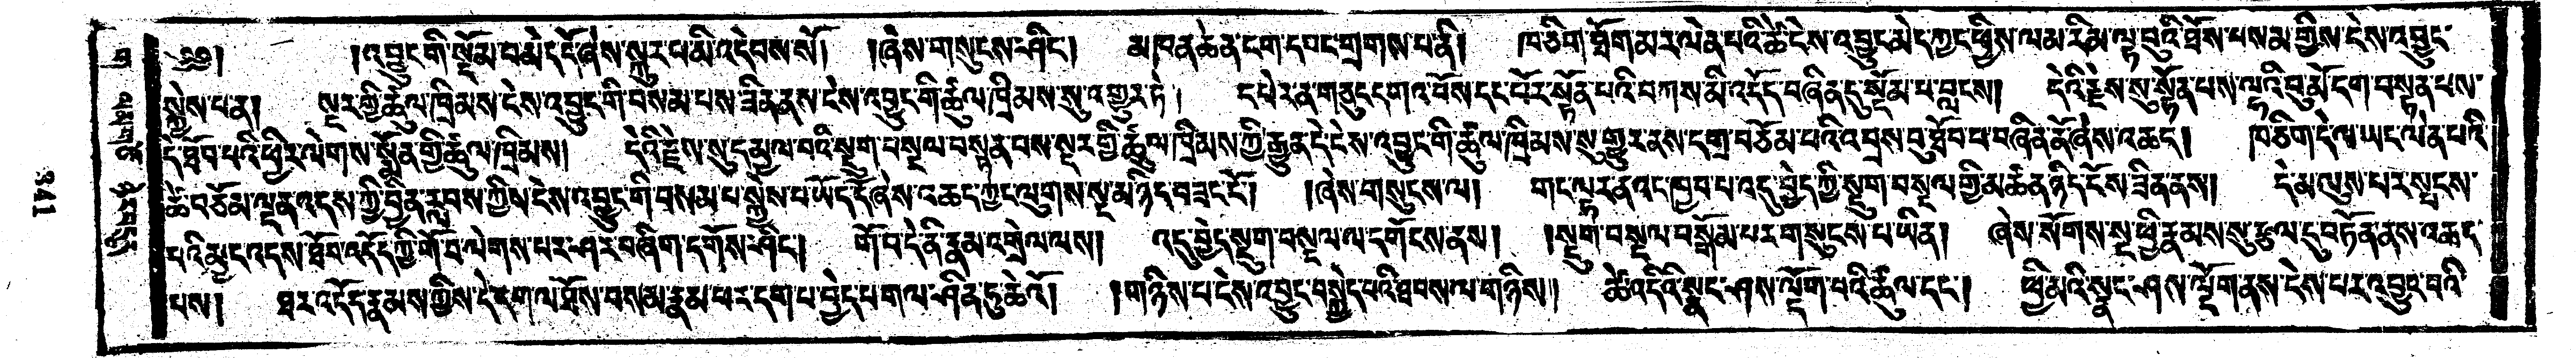༄༅། །འབྱུང་གི་སྔོམ་བ་མེད་དོ་ཞེས་སྐུར་པ་མི་འདེབས་སོ། །ཞེས་གསུངས་ཤིང་། མཁན་ཆེན་ངག་དབང་གྲགས་པ་ནི། ཁ་ཅིག་ཐོག་མར་ལེན་པའི་ཚེ་ངེས་འབྱུང་མེད་ཀྱང་ཕྱིས་ལམ་རིམ་ལྟ་བུའི་ཐོས་བསམ་གྱིས་ངེས་འབྱུང་
སྐྱེས་པ་ན། སྔར་གྱི་ཚུལ་ཁྲིམས་ངེས་འབྱུང་གི་བསམ་པས་ཟིན་ནས་ངེས་འབྱུང་གི་ཚུལ་ཁྲིམས་སུ་འགྱུར་ཏེ། དཔེར་ན་གཅུང་དགའ་བོས་དང་པོར་སྟོན་པའི་བཀས་མི་འདོད་བཞིན་དུ་སྡོམ་པ་བླངས། དེའི་རྗེས་སུ་སྟོན་པས་ལྷའི་བུ་མོ་དག་བསྟན་པས་
དེ་ཐོབ་པའི་ཕྱིར་ལེགས་སྨོན་གྱི་ཚུལ་ཁྲིམས། དེའི་རྗེས་སུ་དམྱལ་བའི་སྡུག་བསྔལ་བསྟན་བས་སྔར་གྱི་ཚུལ་ཁྲིམས་ཀྱི་རྒྱུན་དེ་ངེས་འབྱུང་གི་ཚུལ་ཁྲིམས་སུ་གྱུར་ནས་དགྲ་བཅོམ་པའི་འབྲས་བུ་ཐོབ་པ་བཞིན་ནོ་ཞེས་འཆད། ཁ་ཅིག་དེ་ལ་ཡང་ལེན་པའི་
ཚེ་བཅོམ་ལྡན་འདས་ཀྱི་བྱིན་རླབས་ཀྱིས་ངེས་འབྱུང་གི་བསམ་པ་སྐྱེས་པ་ཡོད་དོ་ཞེས་འཆད་ཀྱང་ལུགས་སྔ་མ་ཉིད་བཟང་པོ?། །ཞེས་གསུངས་ལ། གང་ལྟར་ནའང་ཁྱབ་པ་འདུ་བྱེད་ཀྱི་སྡུག་བསྔལ་གྱི་མཚན་ཉིད་ངོས་ཟིན་ནས། དེ་མ་ལུས་པར་སྤངས་
པའི་མྱང་འདས་ཐོབ་འདོད་ཀྱི་གོ་བ་ལེགས་པར་ཤར་བཞིག་དགོས་ཤིང་། གོ་བ་དེ་ནི་རྣམ་འགྲེལ་ལས། འདུ་བྱེད་སྡུག་བསྔལ་ལ་དགོངས་ནས། །སྡུག་བསྔལ་བསྒོམ་པར་གསུངས་པ་ཡིན། ཞེས་སོགས་སྔ་ཕྱི་རྣམས་སུ་རྩལ་དུ་བཏོན་ནས་འཆད་
པས། ཐར་འདོད་རྣམས་ཀྱིས་དེ་དག་ལ་ཐོས་བསམ་རྣམ་པར་དག་པ་བྱེད་པ་གལ་ཤིན་ཏུ་ཆེའོ། །གཉིས་པ་ངེས་འབྱུང་བསྐྱེད་པའི་ཐབས་ལ་གཉིས། ཚེ་འདིའི་སྣང་ཤས་ལྡོག་པའི་ཚུལ་དང་། ཕྱི་མའི་སྣང་ཤས་ལྡོག་ནས་ངེས་པར་འབྱུང་བའི་